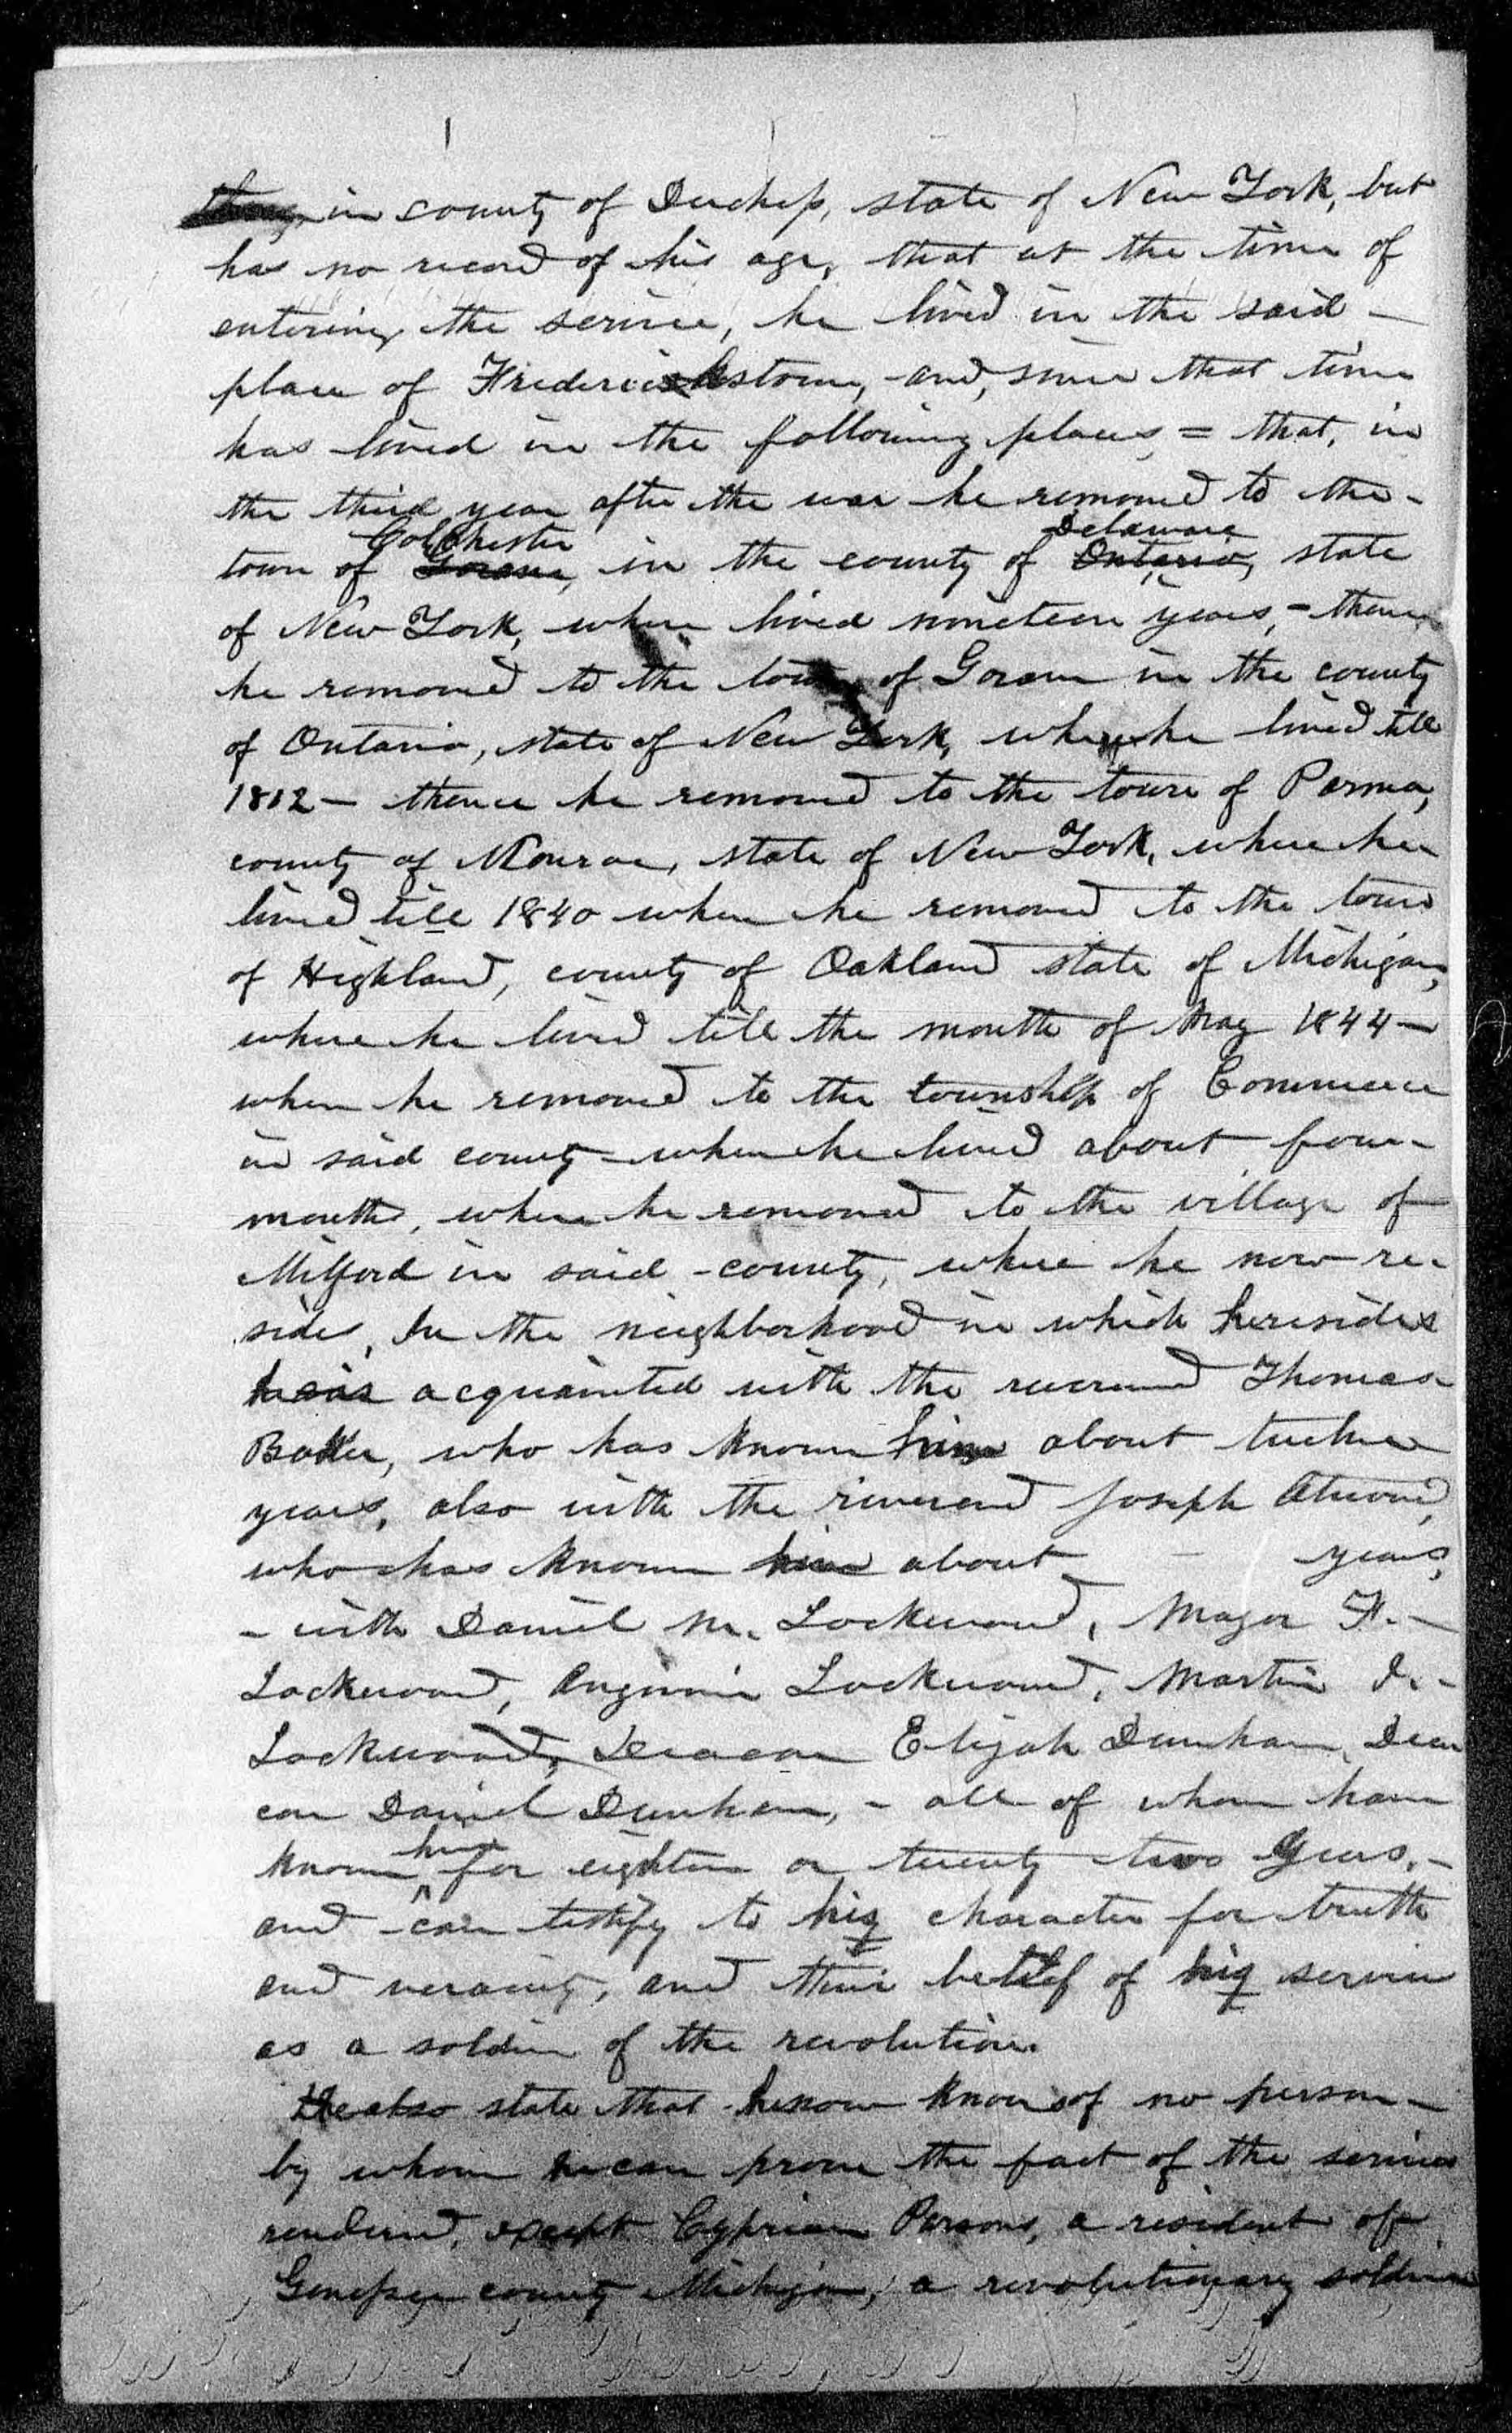in county of Dutchess, State of New York, but has no record of his age, that of the time of entering the service, he lived in the said - place of Frederickstown - and since that time has lived in the following places = that in the third year after the war he removed to the town of Colchester in the county of Delaware state of New York, where lived [illegible] years - thence he removed to the town of Goram in the county of Ontario, State of New York, where he lived till 1840 when he removed to the town of Highland, County of Oakland, state of Michigan where he lived till the month of May 1844 - when he removed to the township of Commerce in said county - where he lived about four months, when he removed to the village of Milford in said county, where he now reside, in the neighborhood in which [illegible] has acquainted with the reverend Thomas Baker, who has known him about twenty years, also with the reverend Joseph Atwood who has known him about  -- years, with Daniel M. Lockwood, mayor N Lockwood, Regina Lockwood, Martin Lockwood, Jeraan Elijah Dunham, Dean and Daniel Dunham, all of whom have known him for eighteen or twenty two years and can testify to his character for truth and veracity, and their belief of his services as a soldier of the revolution.
He also state that he now knows of no person by whom he can prove the fact of the services rendered, except Cyprian Parsons, a resident of Genesee county Michigan, a revolutionary soldier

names: Cyprian Parsons, Joseph Atwood, Martin J Lockwood, Thomas Baker, Angenin Lockwood, Daniel Dunham, Elijah Dunham, F Lockwood, Daniel M Lockwood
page: 5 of 66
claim: rejected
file: R. 4298, Samuel Gregory, New York